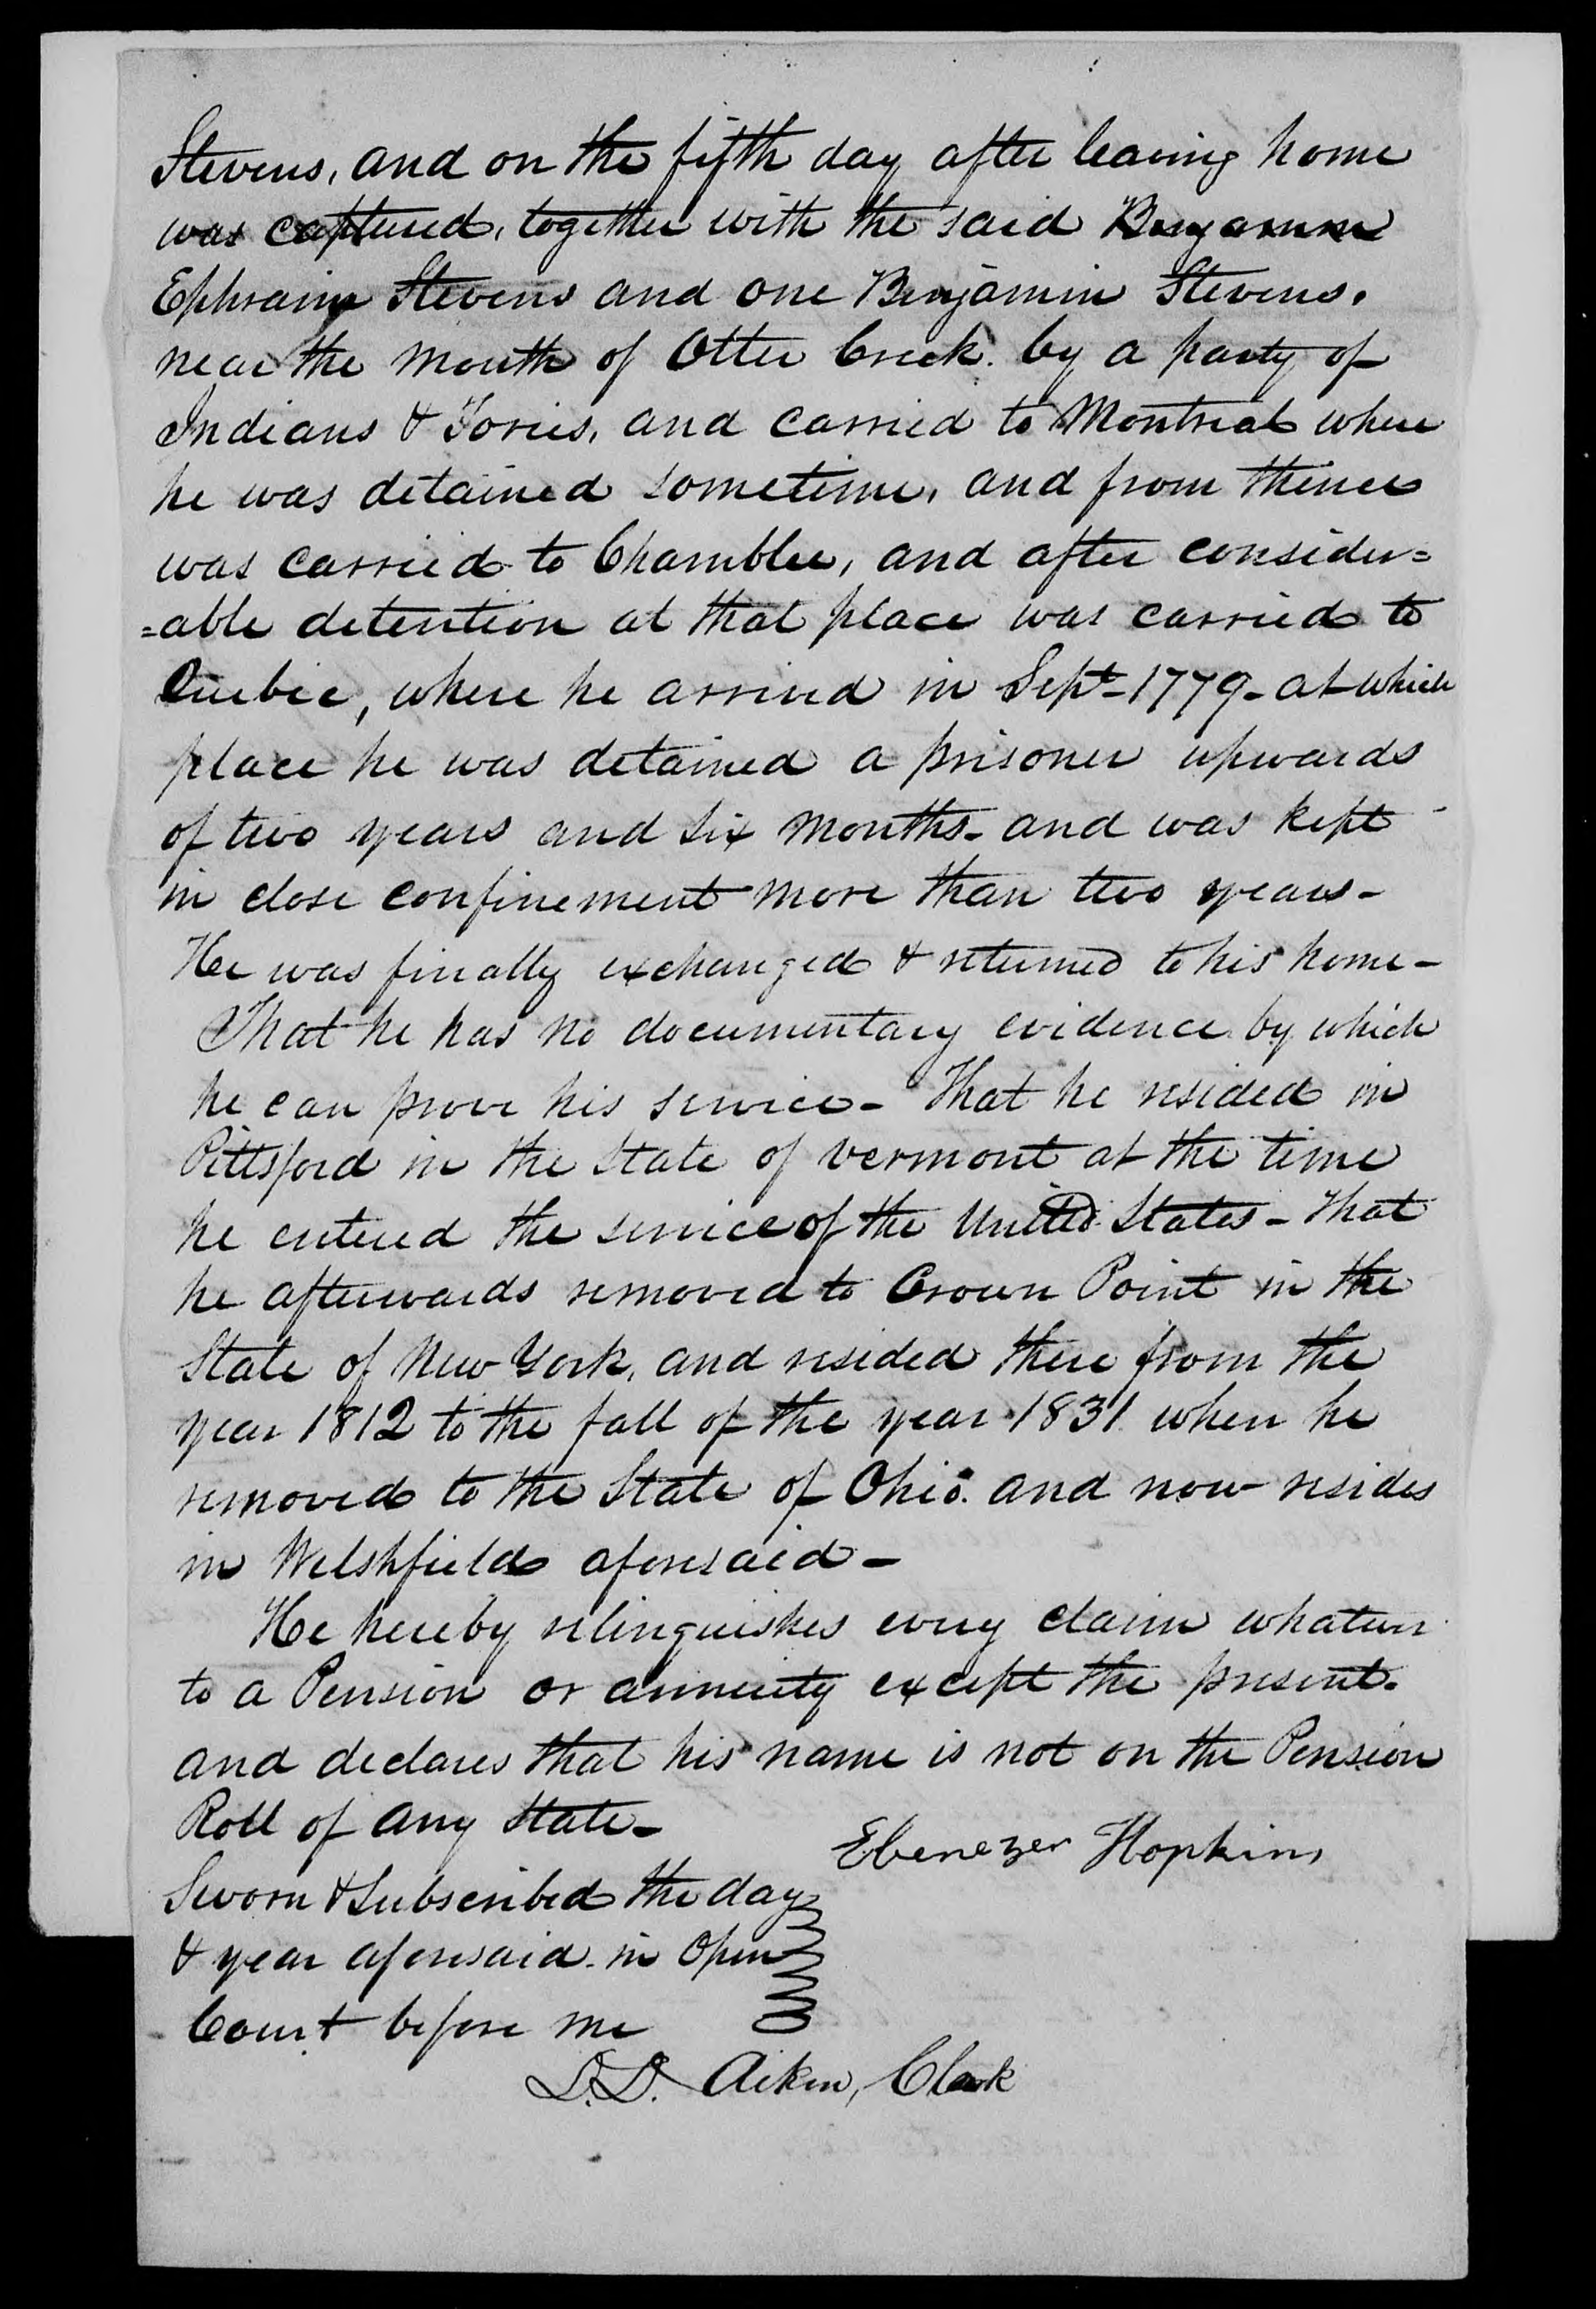Stevens, and on the fifth day after leaving home was captured, together with the said Benjamin Ephraim Stevens and one Benjamin Stevens, near the month of Otter Creek by a party of Indians & Tories, and carried to Montreal where he was detained sometime, and from thence was carried to Chamble, and after considerable detention at that place was carried to Quebec, where he arrived in Sept 1779 at which place he was detained a prisoner upwards of two years and six months and was kept in close confinement more than two years- He was finally exchanged & returned to his home_
That he has no documentary evidence by which he can prove his service. That he resided in Pittsford in the State of Vermont at the time he entered the service of the United States. That he afterwards removed to Crown Point in the State of New York, and resided there from the year 1812 to the fall of the year 1831 when he removed to the State of Ohio, and now resides in Welshfield aforesaid-
He hereby relinquishes every claim whatever to a Pension or annuity except the present. and declares that his name is not on the Pension Roll of any State-
Sworn & Subscribed the day      Ebenezer Hopkins
& year aforesaid in Open
Court before me
D. D. Aiken, Clerk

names: Benjamin Stevens, Ebenezer Hopkins, D D Aiken, Ephraim Stevens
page: 68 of 144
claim: rejected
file: R. 5208, Dennis Hopkins, N.C.